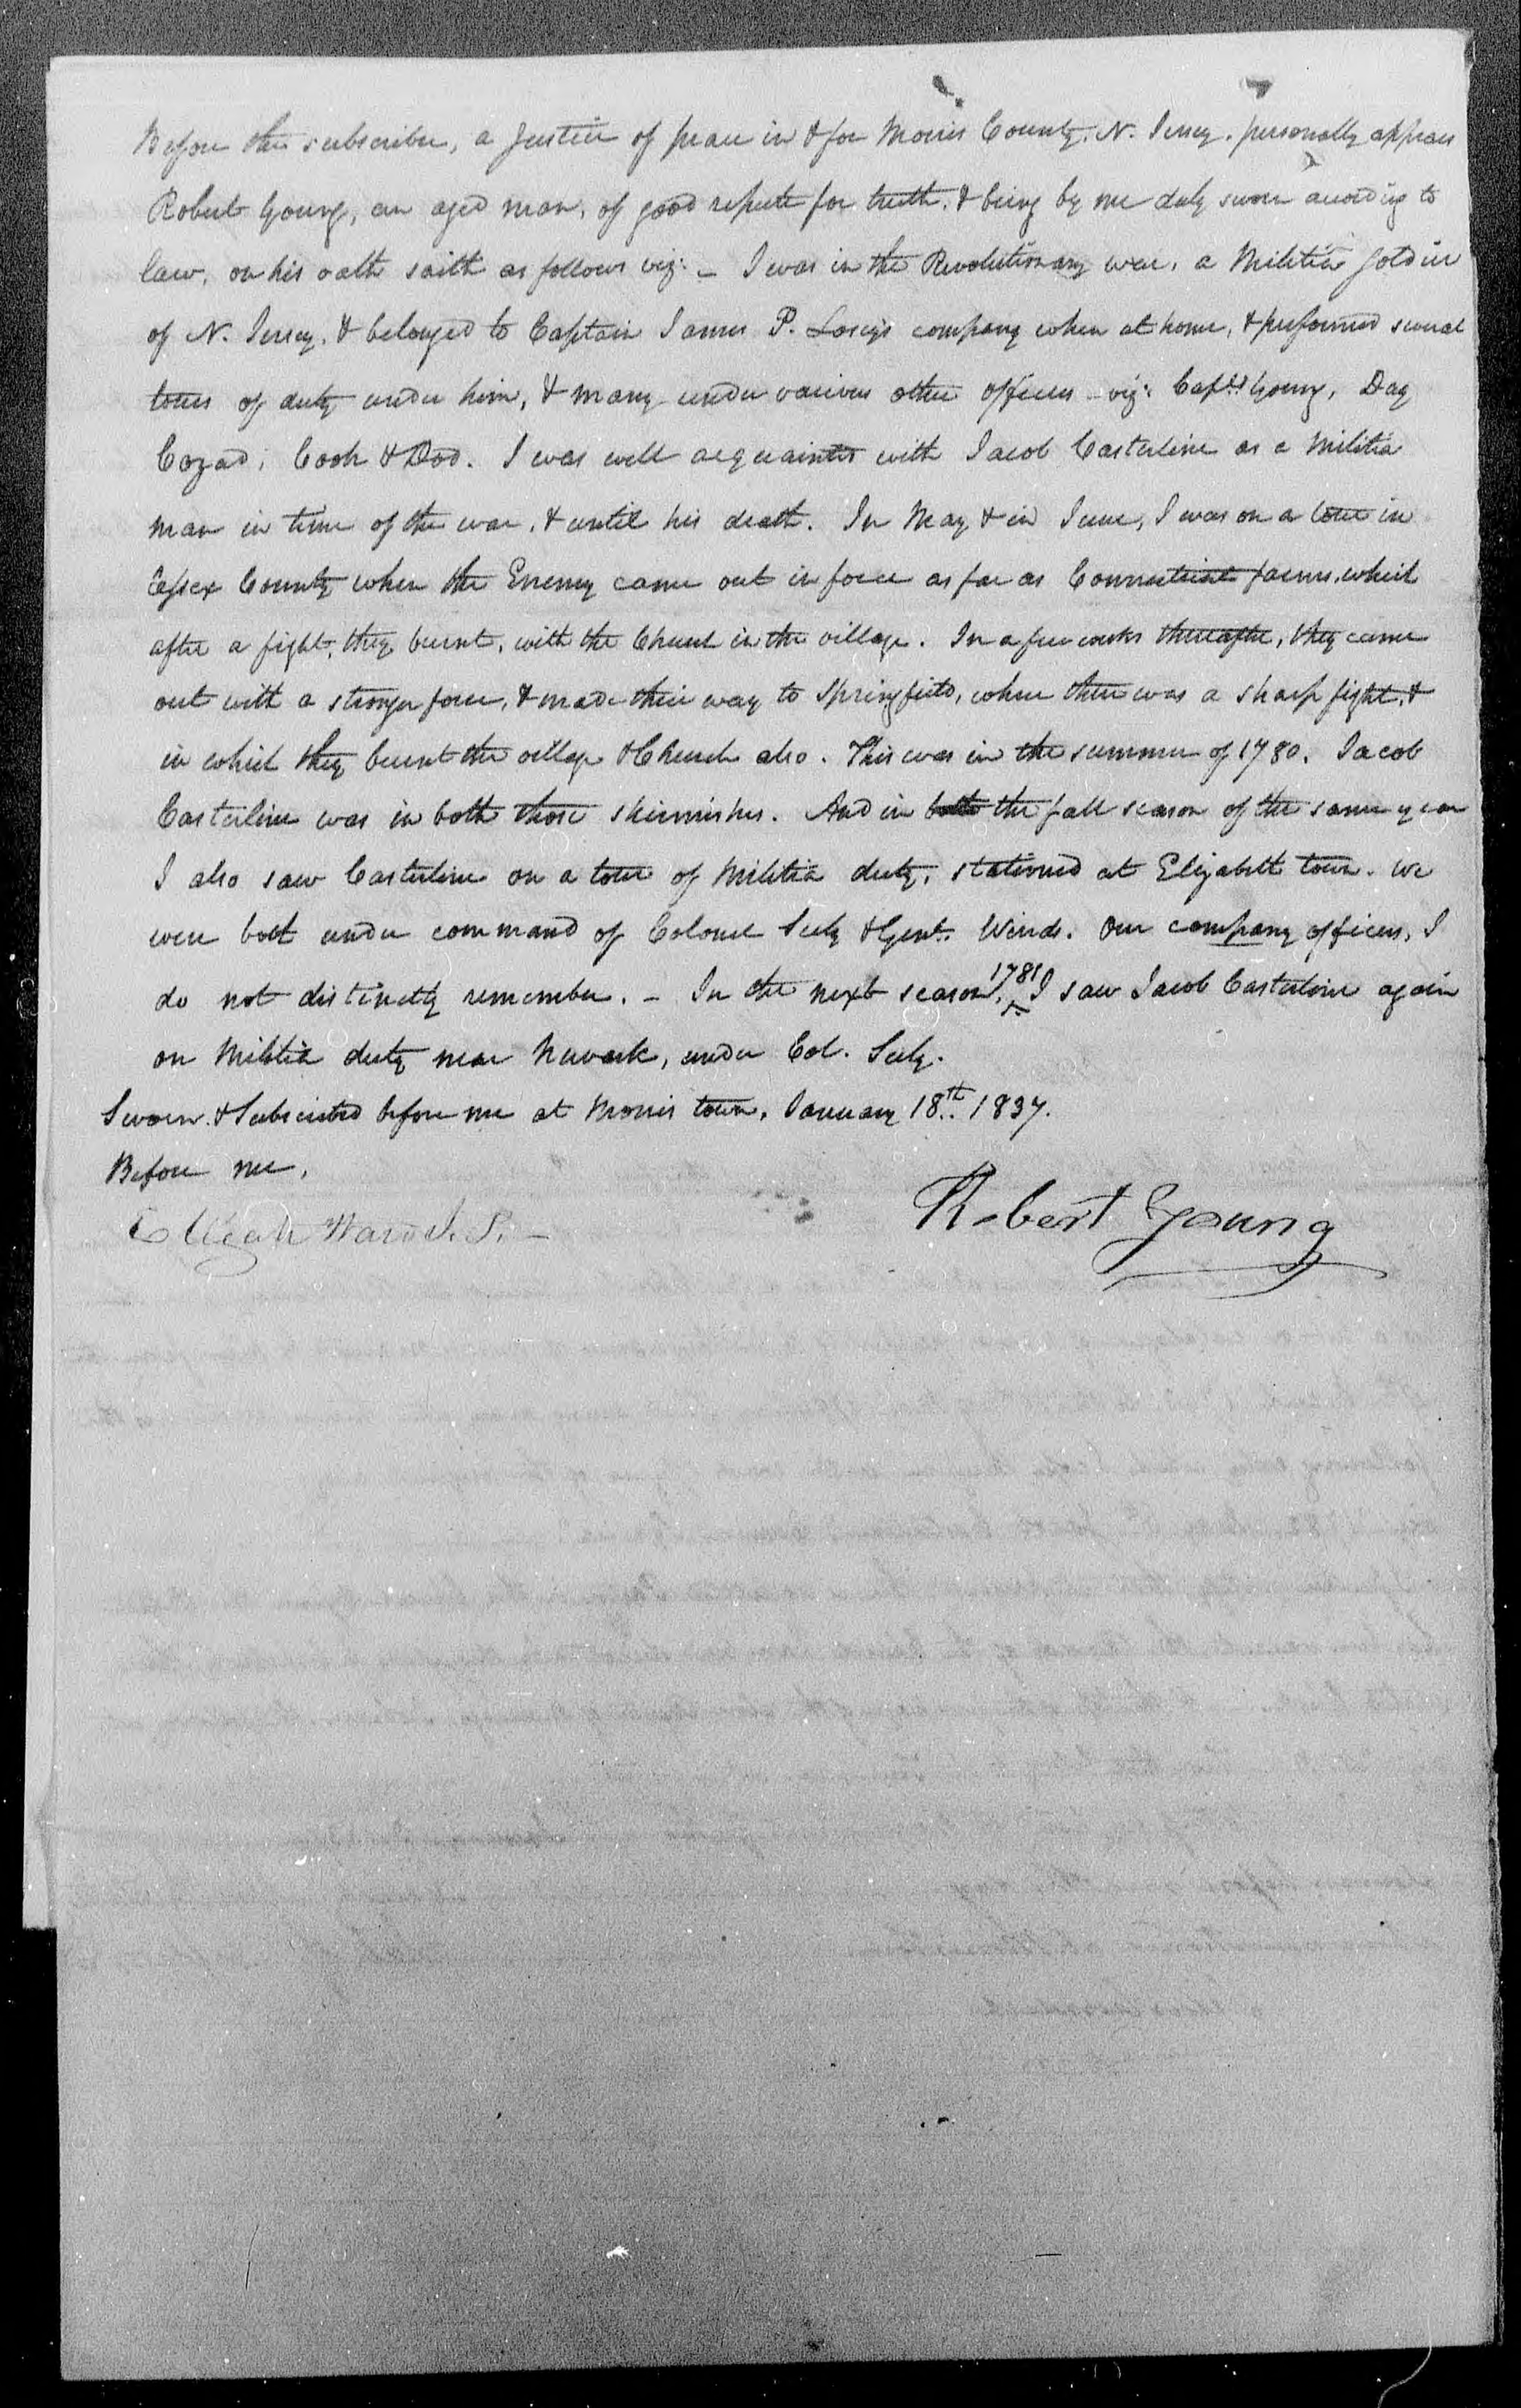Before this subscriber, a justice of peace in and for Morris County N. Jersey personally appear Robert Young, an aged man, of good repute for truth, and being by me duly sworn swearing to law, on his oath saith as follows viz:  I was in the Revolutionary war, a militia soldier of N. Jersey and belonged to Captain Samuel P. George's company when at home, and performed such tours of duty under him, and many under various other officers.  viz: Capt. George, Day, Cozad, Cook and Dod.  I was well acquainted with Jacob Casterline as a militia man in the time of the war, and until his death.  In May and in June I was on a tour in Essex County when the enemy came out in force as far as Connecticut towns, which after a fight, they burnt, with the church in the village.  In a few weeks though, they came out with a stronger force, and made their way to Springfield when there was a sharp fight and in which they burnt the village church also.  This was in the summer of 1780.  Jacob Casterline was in both those skirmishes.  And in the fall season of the same year I also saw Casterline on a tour of militia duty, stationed at Elizabethtown.  We were both under command of Colonel Seely and Capt Winds. Our company officers I do not distinctly remember.  In the next season 1781 I saw Jacob Casterline again on militia duty near Newark under Col. Seely.  
Sworn and subscribed before me at Morristown, January 18th 1837.
Before me, 
Elijah Ward                      Robert Young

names: Casterline, Jacob Casterline, Seely, Robert Young, Seely, N Jerrey, Cozad, Elijah Ward, Young, Winds, Jacob Casterline, Robert Young, Dod, Cook, Day, Jacob Casterline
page: 13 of 38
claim: widow's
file: W. 6644, Jacob Casterline, New Jersey